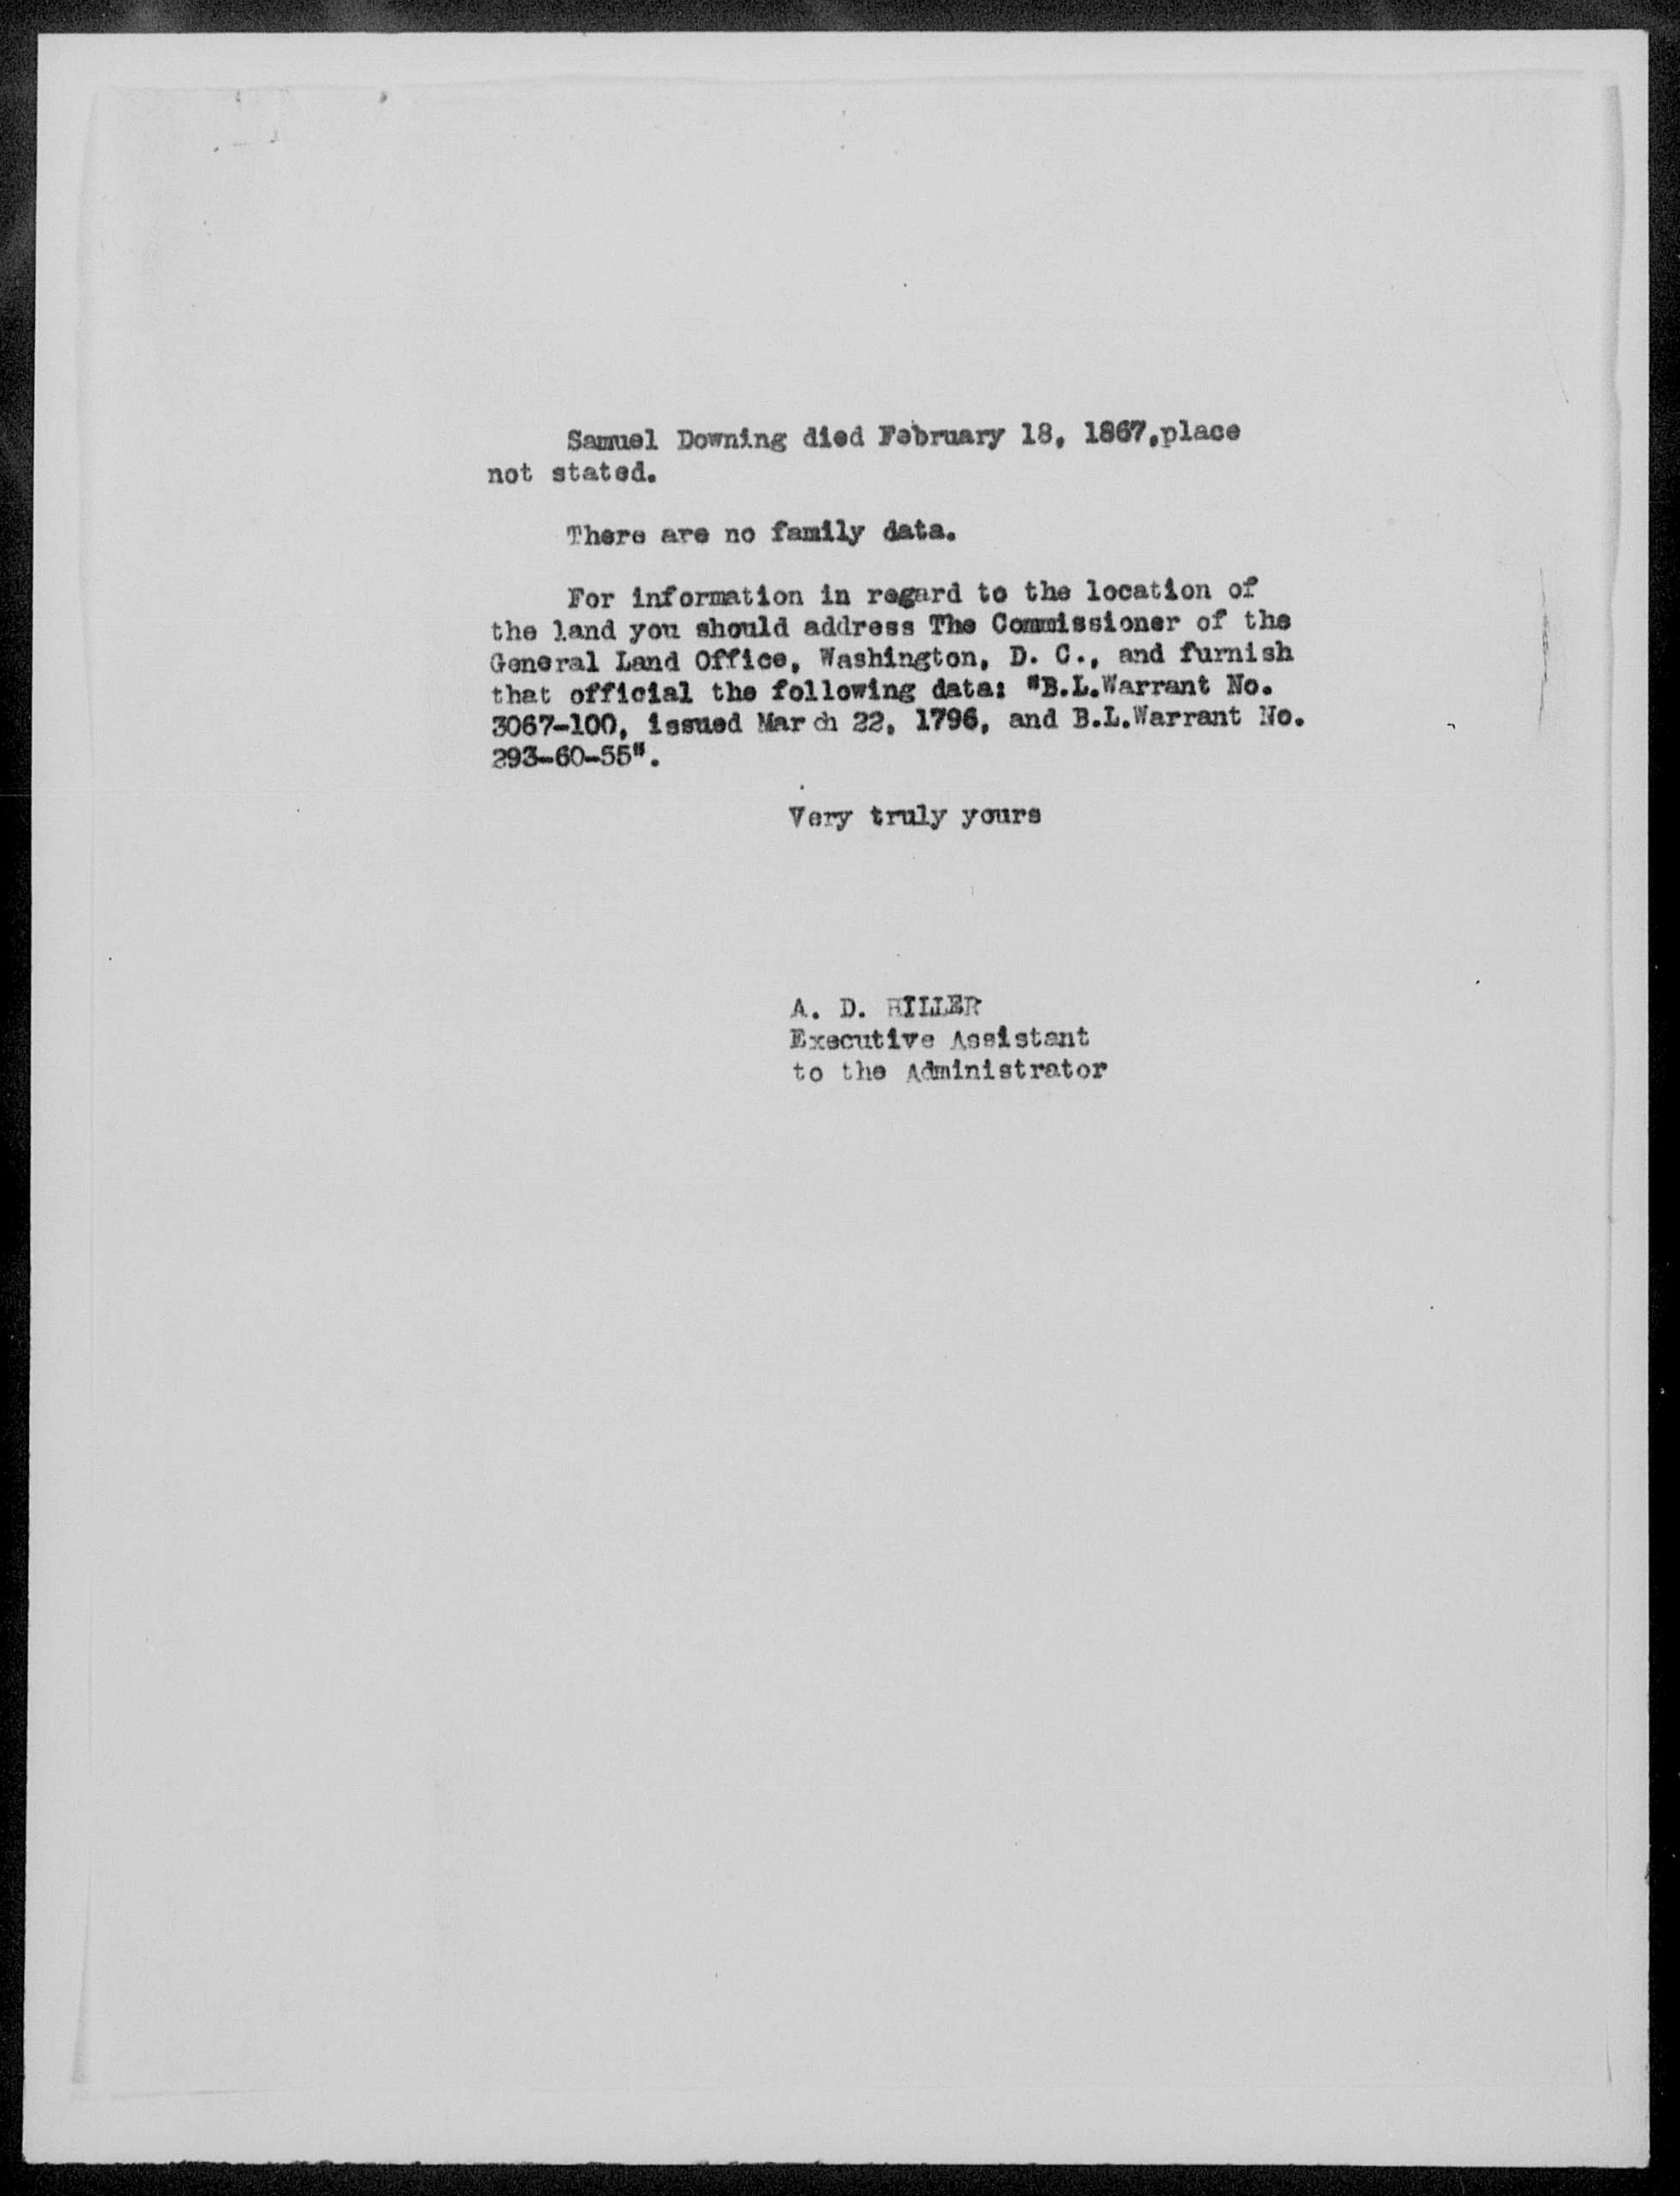Samuel Downing died February 18, 1867, place not stated.
There are no family data.
For information in regard to the location of the land you should address The Commissioner of the General Land Office, Washington, D.C., and furnish that official the following data: “B.L. Warrant No. 3067-100, issued March 22, 1796, and B.L. Warrant No. 293-60-55”.
Very truly yours
A.D. Riller
Executive Assistant to the Administrator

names: Samuel Downing, A D Hiller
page: 13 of 56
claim: survivor's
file: S. 40,055, Samuel Downing, N.H.